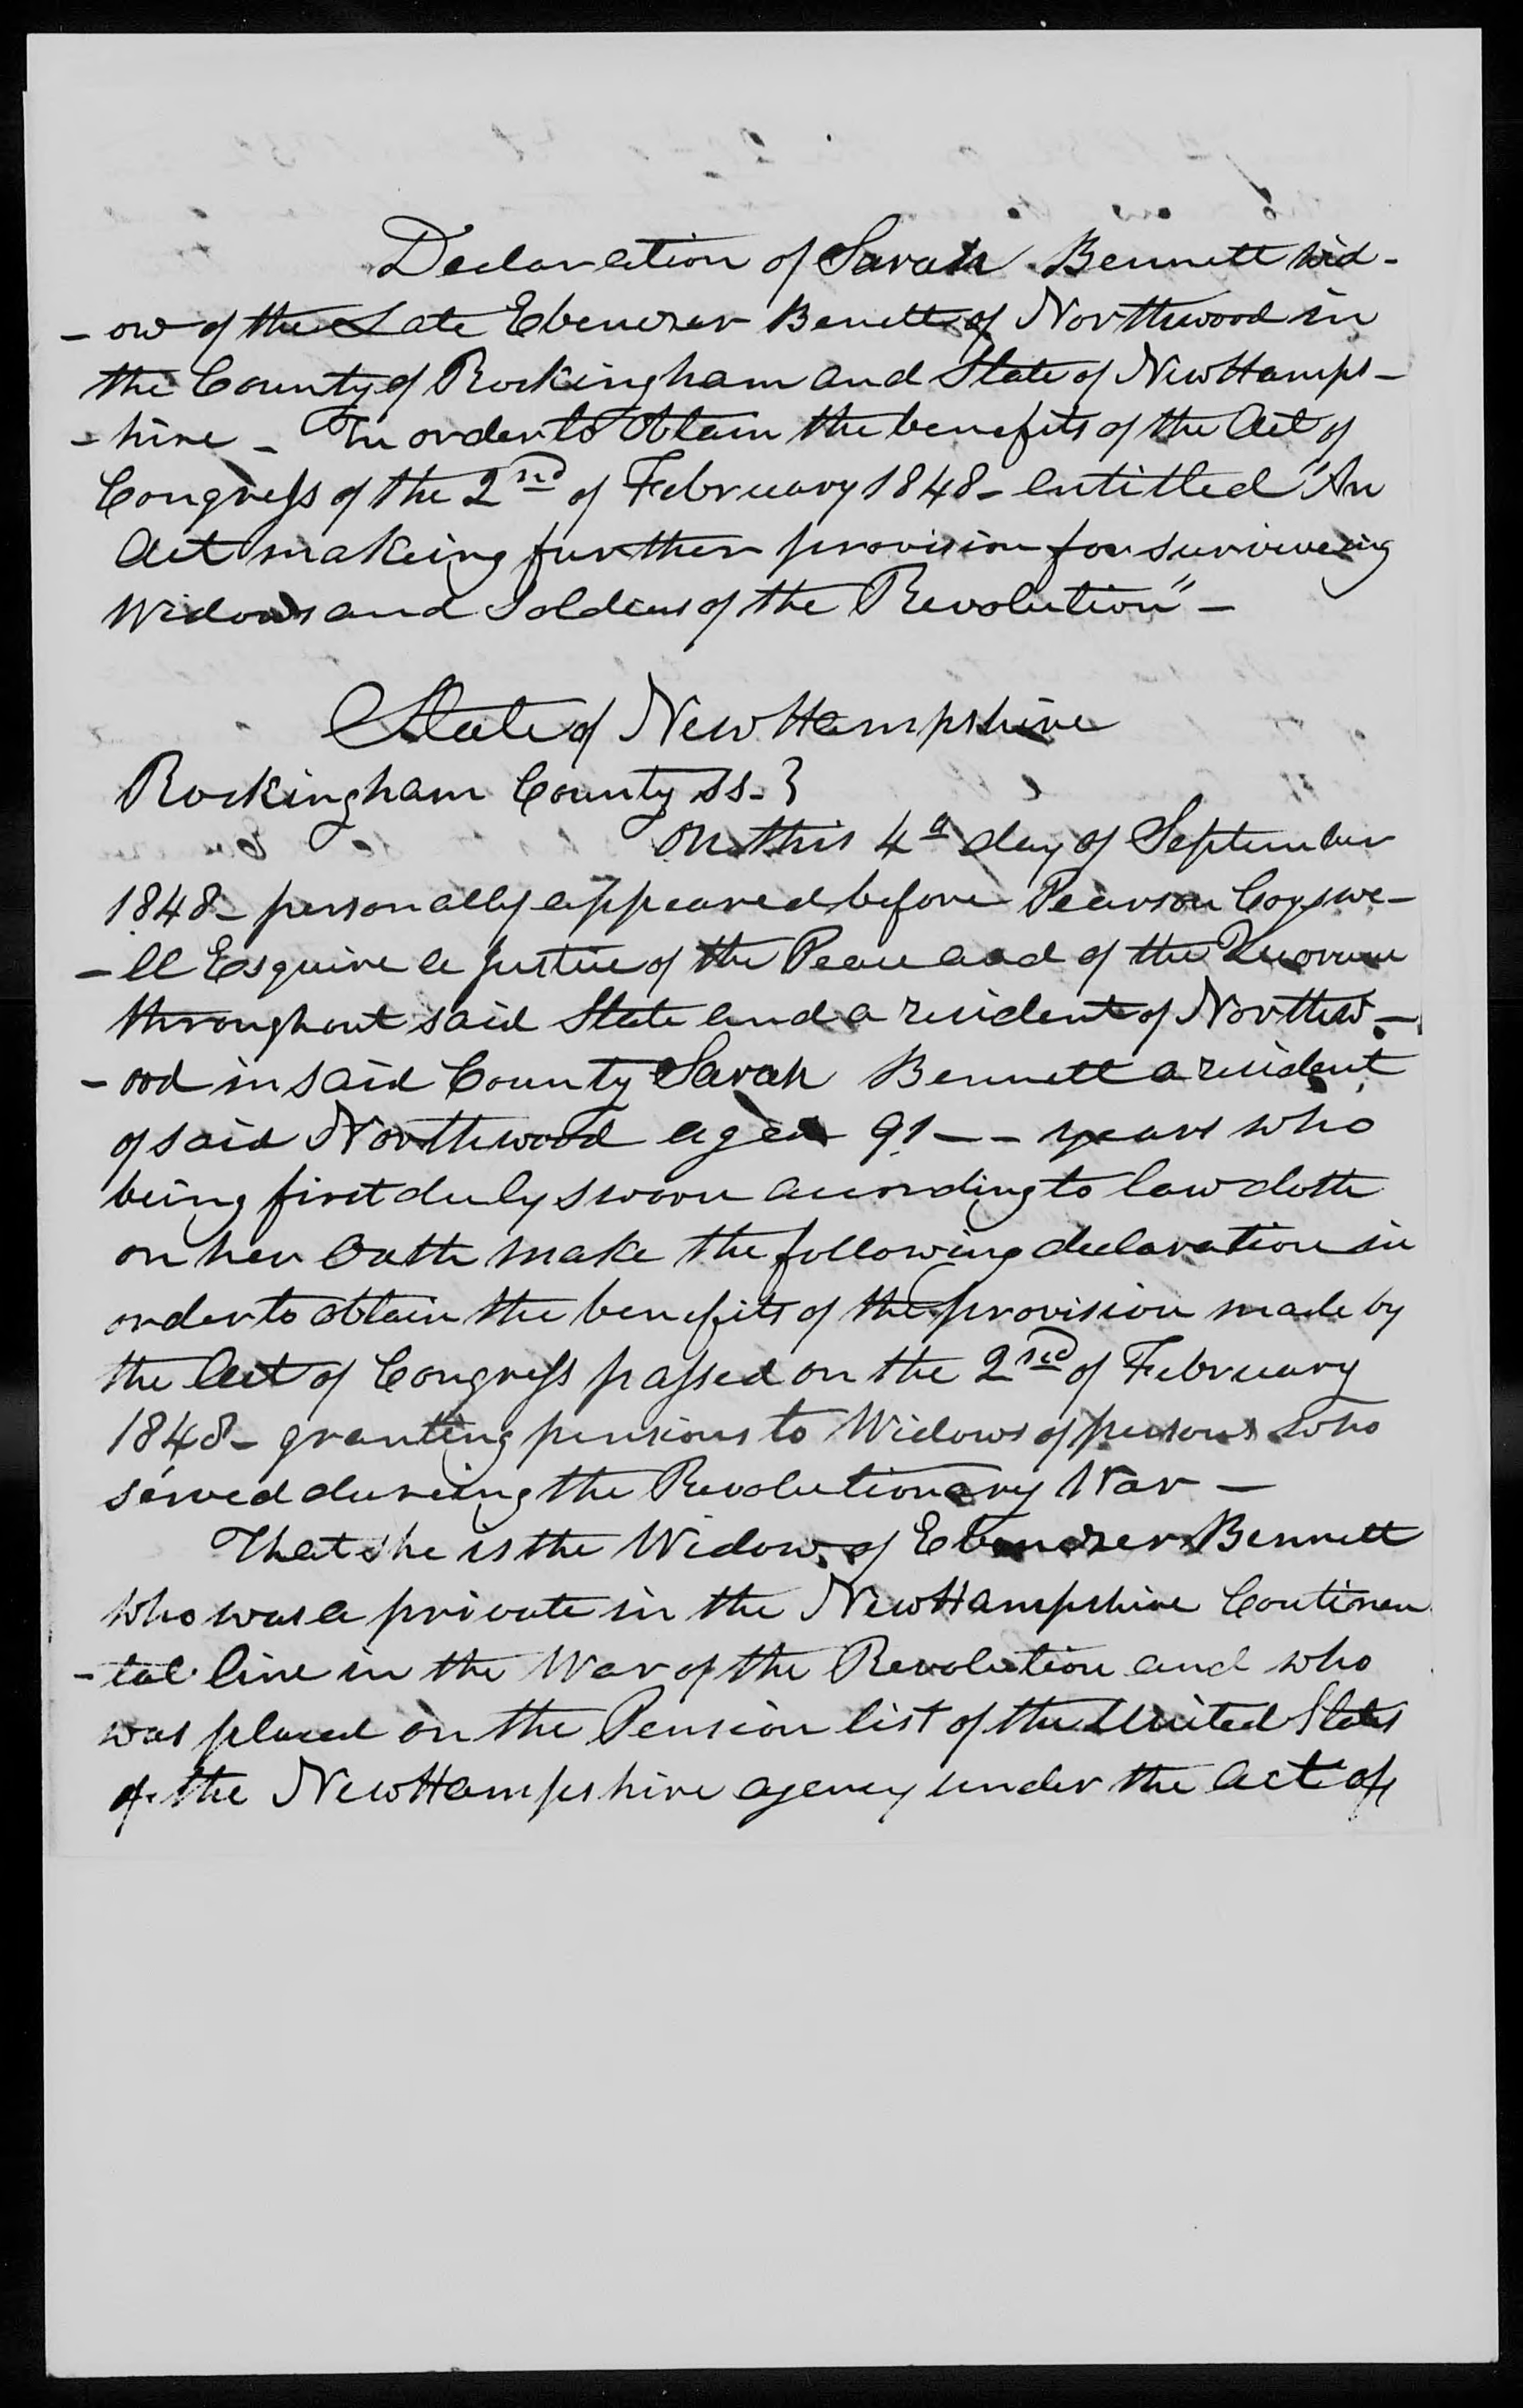Declaration of Sarah Bennett widow of the 
Late Ebenezer Bennett of Northwood in
County of Rockingham and State of New Hampshire - In order to obtain the benefits of the Act of of the 2nd of February 1848 - entitled "an making further provision for surviving Widows and Soldiers of the Revolution" - 

State of New Hampshire
Rockingham County SS. }
On this 4th day of September 1848 personally appeared before Pearson Cogswell Esquire a Justice of the Peace and of the Quorum 
throughout said State and a resident of Northwood in said County Sarah Bennett a resident of said Northwood aged 91 - years who
being first duly sworn according to law doth
on her oath make the following declaration in
order to obtain the benefits of the provision made by the act of Congress passed on the 2d of February 1848 - granting pensions to Widows of persons who served during the Revolutionary War -
That she is the Widow of Ebenezer Bennett
who was a private in the New Hampshire Continental line in the War of the Revolution and who was placed on the Pension list of the United States of the New Hampshire agency under the act of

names: Ebenezer Bennett, Sarah Bennett, Sarah Bennett, Ebenezer Benett, Pearson Cogswell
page: 19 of 43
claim: widow's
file: W. 21665, Ebenezer Bennett, N. H. Privateer.